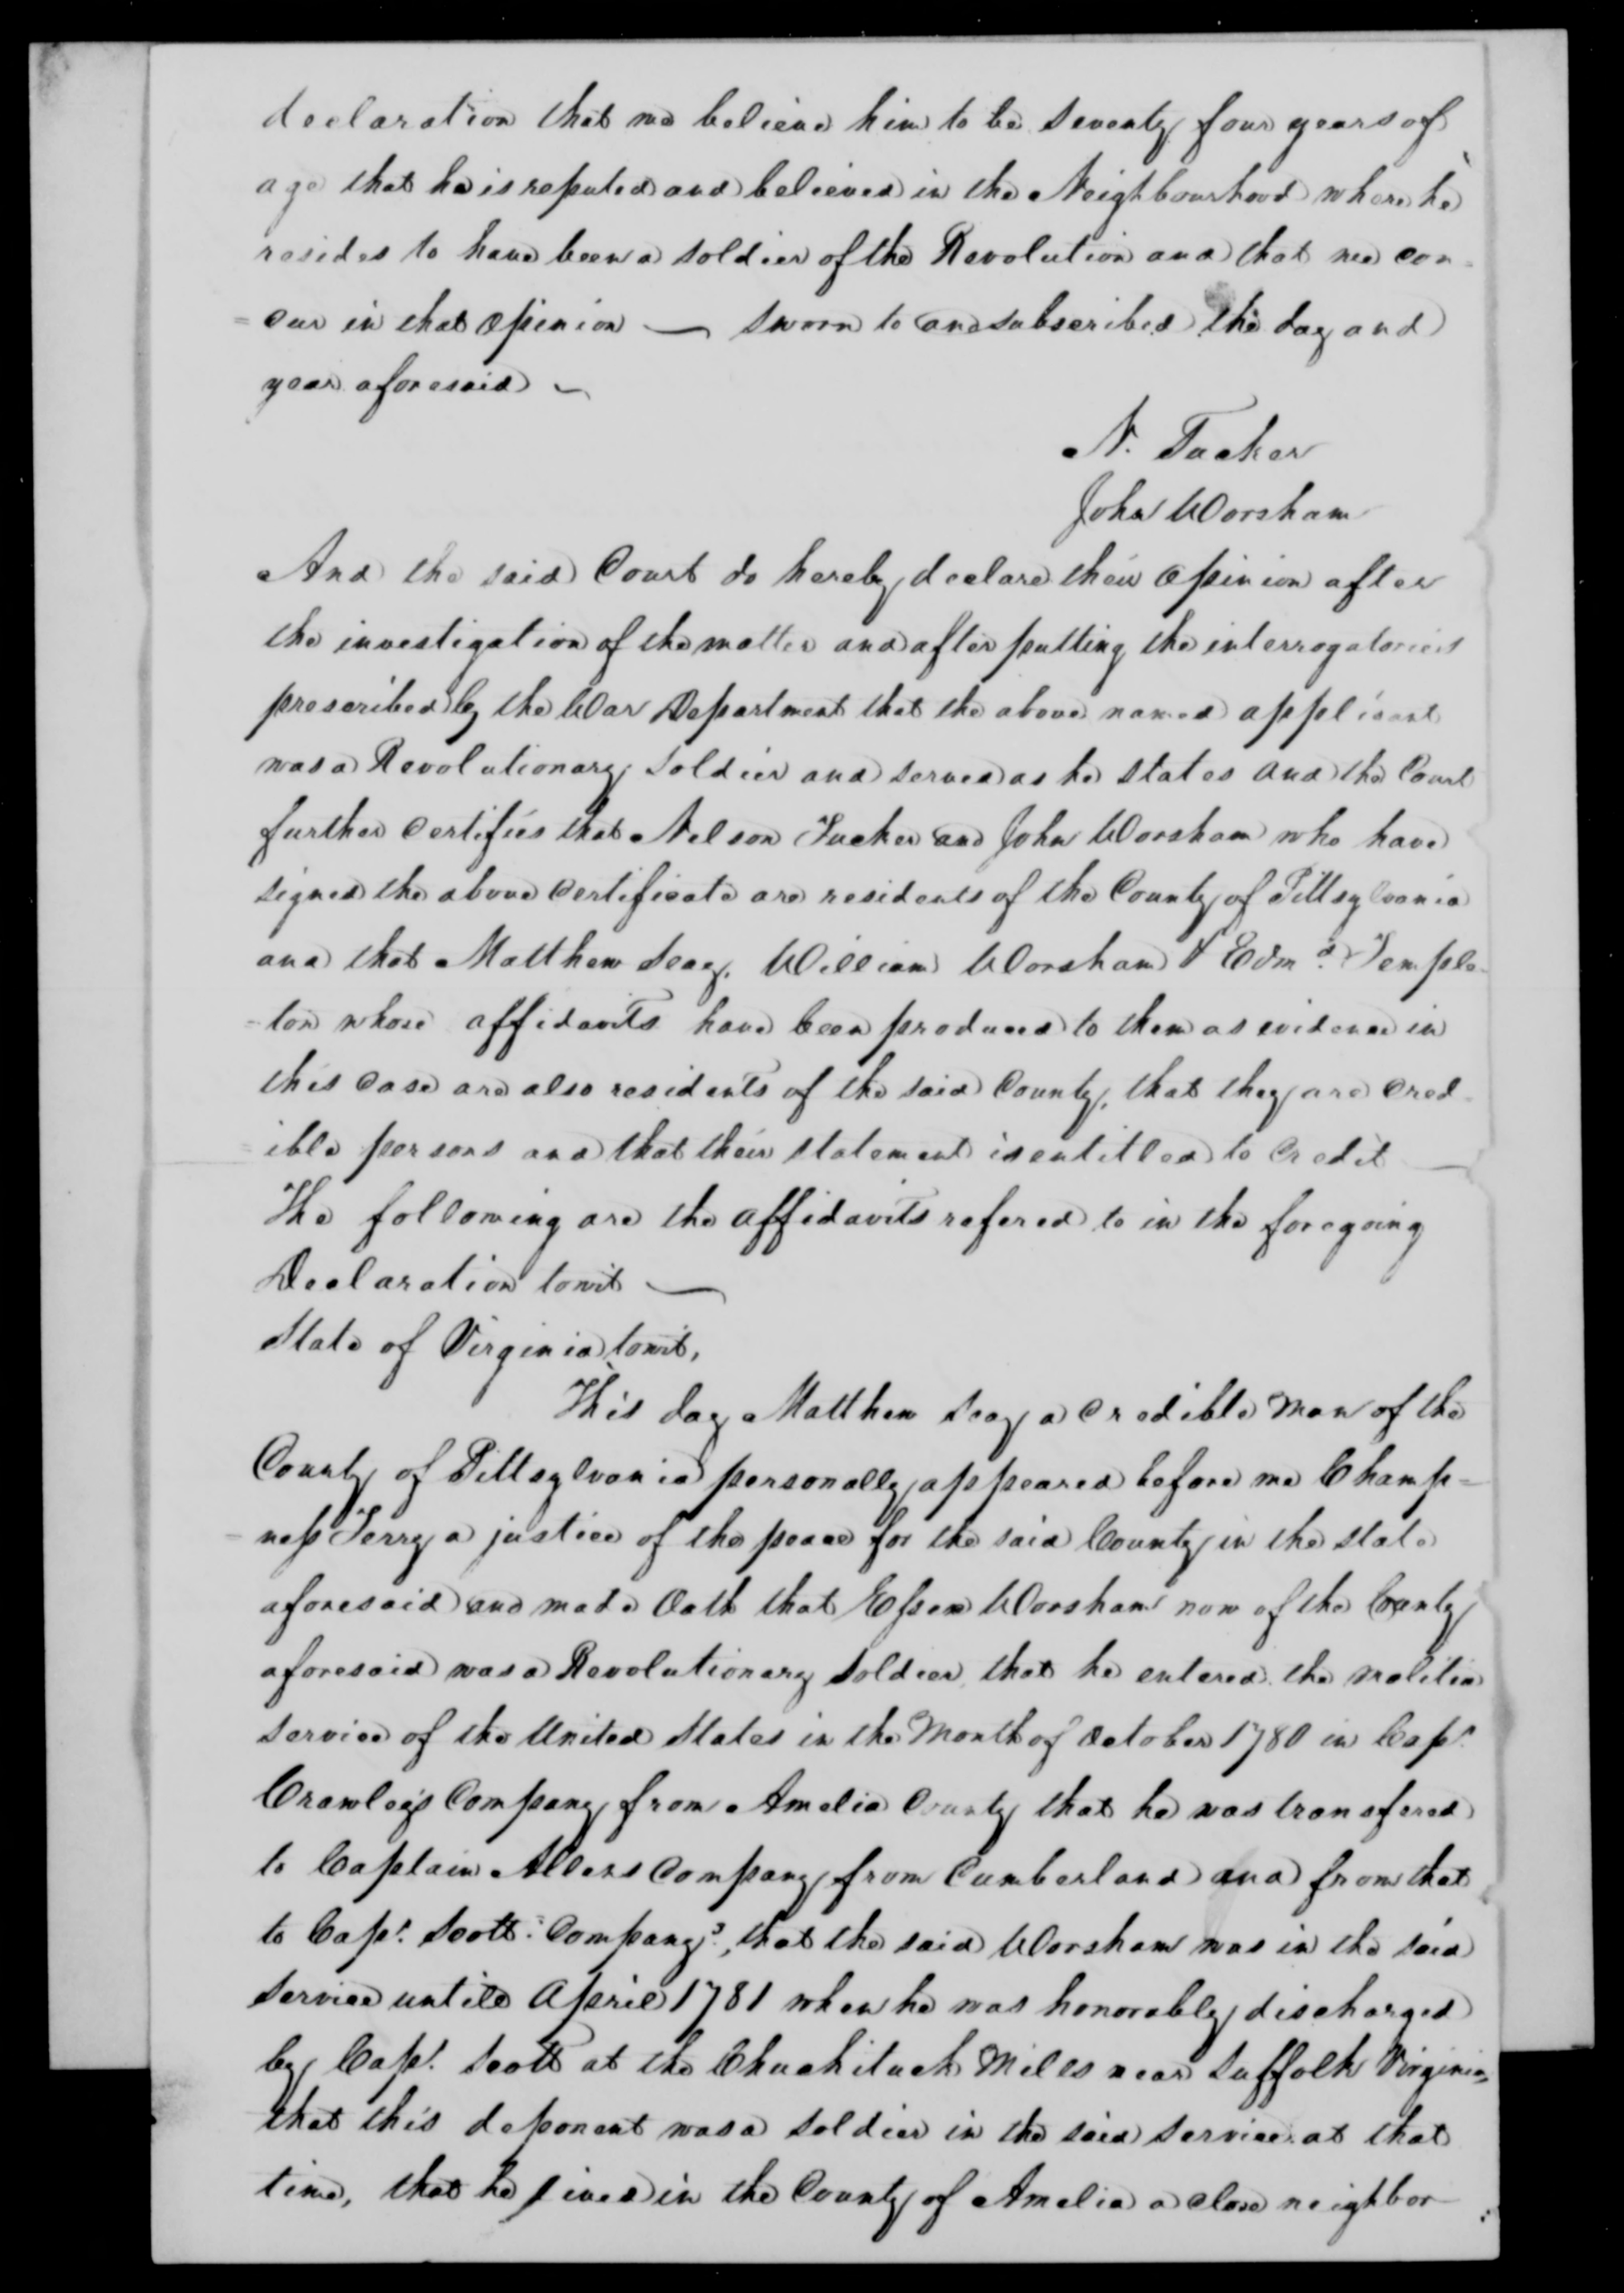declaration that we believe him to be seventy four years of
age that he is reputed and believes in the Neighbourhood where he
resides to have been a soldier of the Revolution and that we concur
in this opinion - sworn to and subscribed the day and 
year aforesaid -

N. Tucker
John Worsham

And the said Court to hereby declare their opinion after
the investigation of the matter and after putting the interrogations
prescribed by the War Department that the above named affiant,
was a Revolutionary Soldier and served as he states and the Court
further certifies that Nelson Tucker and John Worsham who have
signed the above Certificate are residents of the County of Pittsylvania
and that Matthew Seay, William Worsham +Edm.d Templeton
whose affidavits have been produced to them as evidence in
this case and also residents of the said county, that they are credible
persons and that their statement is entitled to credit
The following are the affidavits refered to in the foregoing
Declaration to wit -
State of Virginia to wit,
This day Matthew Seay a credible man of the
County of Pittsylvania is personally appeared before me Champness
Terry a justice of the peace for the said county in the state
aforesaid and made oath that Essex Worsham now of the County
aforesaid was a Revolutionary Solder that he entered the militia
services of the United States in the Month of October 1780 in Cap.n
Crawley's Company from a Amelia County that he was transfered
to Captain Allens company from Cumberland and from that
to Cap.t Scott Company that the said Worsham was in the said
services untill April 1781 when he was honorable discharged
by Cap. Scott at the Chuckituck Mills near Suffolk Virginia,
that his deponent was a Soldier in the said service at that
time, that he lived in the County of Amelia a close neighbor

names: Matthew Seay, Edmd Templeton, William Worsham, Champness Terry, Scott, Essex Worsham, John Worsham, N Tucker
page: 6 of 16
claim: survivor's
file: S. 6,447, Essex Worsham, Va.